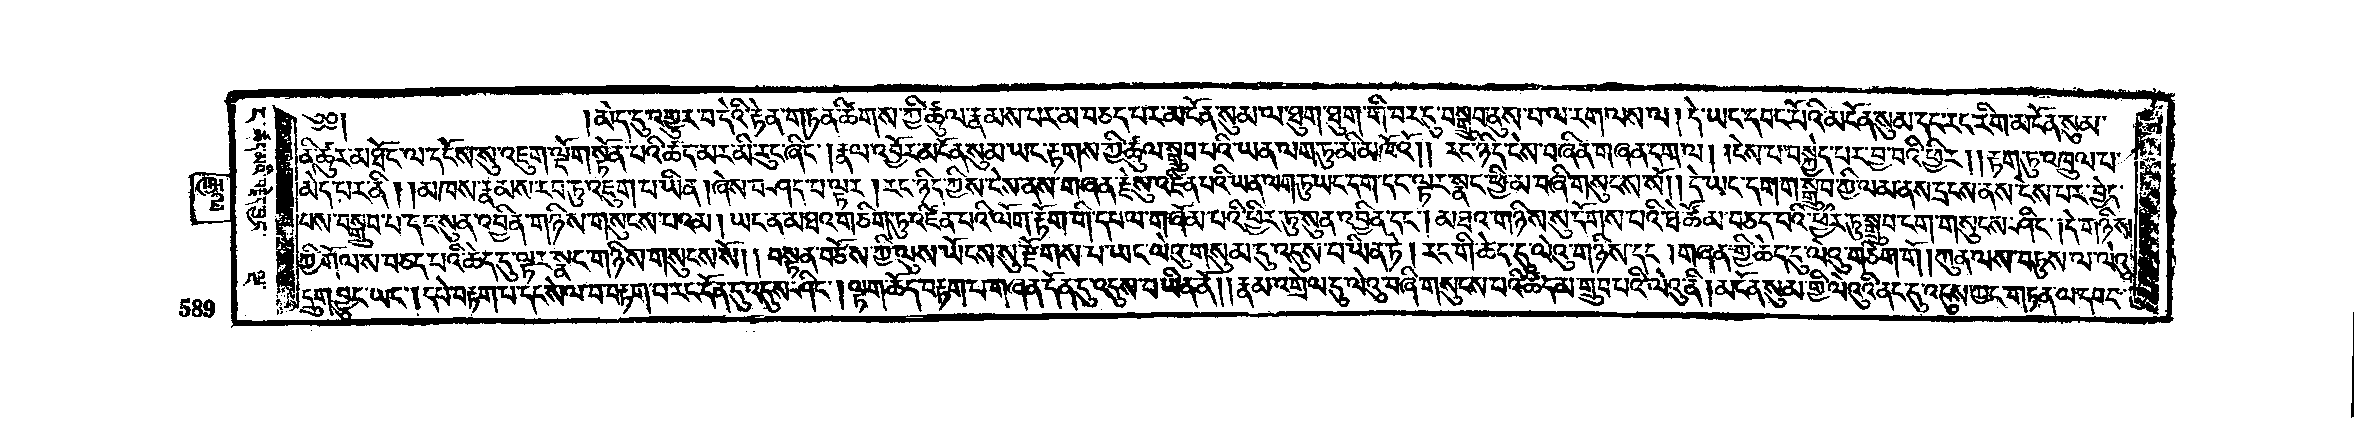༄༅། །མེད་དུ་འགྱུར་བ་དེའི་རྟེན་གཏན་ཚིགས་ཀྱི་ཚུལ་རྣམས་པར་མ་བཅད་པར་མངོན་སུམ་ལ་ཐུག་ཐུག་གི་བར་དུ་བསྒྲུབ་ནུས་པ་ལ་རག་ལས་ལ། དེ་ཡང་དབང་པོའི་མངོན་སུམ་དང་རང་རིག་མངོན་སུམ་
ནི་ཚུར་མཐོང་ལ་དངོས་སུ་འཇུག་ལྡོག་སྟོན་པའི་ཚད་མར་མི་རུང་ཞིང་། རྣལ་འབྱོར་མངོན་སུམ་ཡང་རྟགས་ཀྱི་ཚུལ་སྒྲུབ་པའི་ཡན་ལག་ཏུ་མི་མཁོའོ། །རང་ཉིད་ངེས་བཞིན་གཞན་དག་ལ། །ངེས་པ་བསྐྱེད་པར་བྱ་བའི་ཕྱིར། །རྟག་ཏུ་འཁྲུལ་པ་
མེད་པར་ནི། མཁས་རྣམས་རབ་ཏུ་འཇུག་པ་ཡིན། ཞེས་བཤད་པ་ལྟར། རང་ཉིད་ཀྱིས་ངེས་ནས་གཞན་རྗེ་སུ་འཛིན་པའི་ཡན་ལག་ཏུ་ཡང་དག་དང་། ལྟར་སྣང་ཕྱི་མ་བཞི་གསུངས་སོ། །དེ་ཡང་དགག་སྒྲུབ་ཀྱི་ལམ་ནས་དྲངས་ནས་ངེས་པར་བྱེད་
པས་བསྒྲུབ་པ་དང་སུན་འབྱིན་གཉིས་གསུངས་པའམ། ཡང་ན་མཐའ་གཅིག་ཏུ་འཛིན་པའི་ལོག་རྟོག་གི་དཔལ་གཞོམ་པའི་ཕྱིར་ཏུ་སུན་འབྱིན་དང་། མཐའ་གཉིས་སུ་དོགས་པའི་ཐེ་ཚོམ་བཅད་པའི་ཕྱིར་ཏུ་སྒྲུབ་ངག་གསུངས་ཤིང་། དེ་གཉིས་
ཀྱི་གོལ་ས་བཅད་པའི་ཆེད་དུ་ལྟར་སྣང་གཉིས་སུ་གསུངས་སོ། །བསྟན་བཅོས་ཀྱི་ལུས་ཡོངས་སུ་རྫོགས་པ་ཡང་ལེའུ་གསུམ་དུ་འདུས་པ་ཡིན་ཏེ། རང་གི་ཆེད་དུ་ལེའུ་གཉིས་དང་། གཞན་གྱི་ཆེད་དུ་ལེའུ་གཅིག་གོ །ཀུན་ལས་བཏུས་ལ་ལེའུ་
དྲུག་བྱུང་ཡང་། དཔེ་བརྟག་པ་དང་སེལ་བ་བརྟག་པ་རང་དོན་དུ་འདུས་ཤིང་། ལྟག་ཆོད་བརྟག་པ་གཞན་དོན་དུ་འདུས་པ་ཡིན་ནོ། །རྣལ་འགྲེལ་དུ་ལེའུ་བཞི་གསུངས་པའི་ཚད་མ་གྲུབ་པའི་ལེའུ་ནི། མངོན་སུམ་གྱི་ལེའུའི་ནང་དུ་འདུས་ཀྱང་གཏན་ལ་དབང་